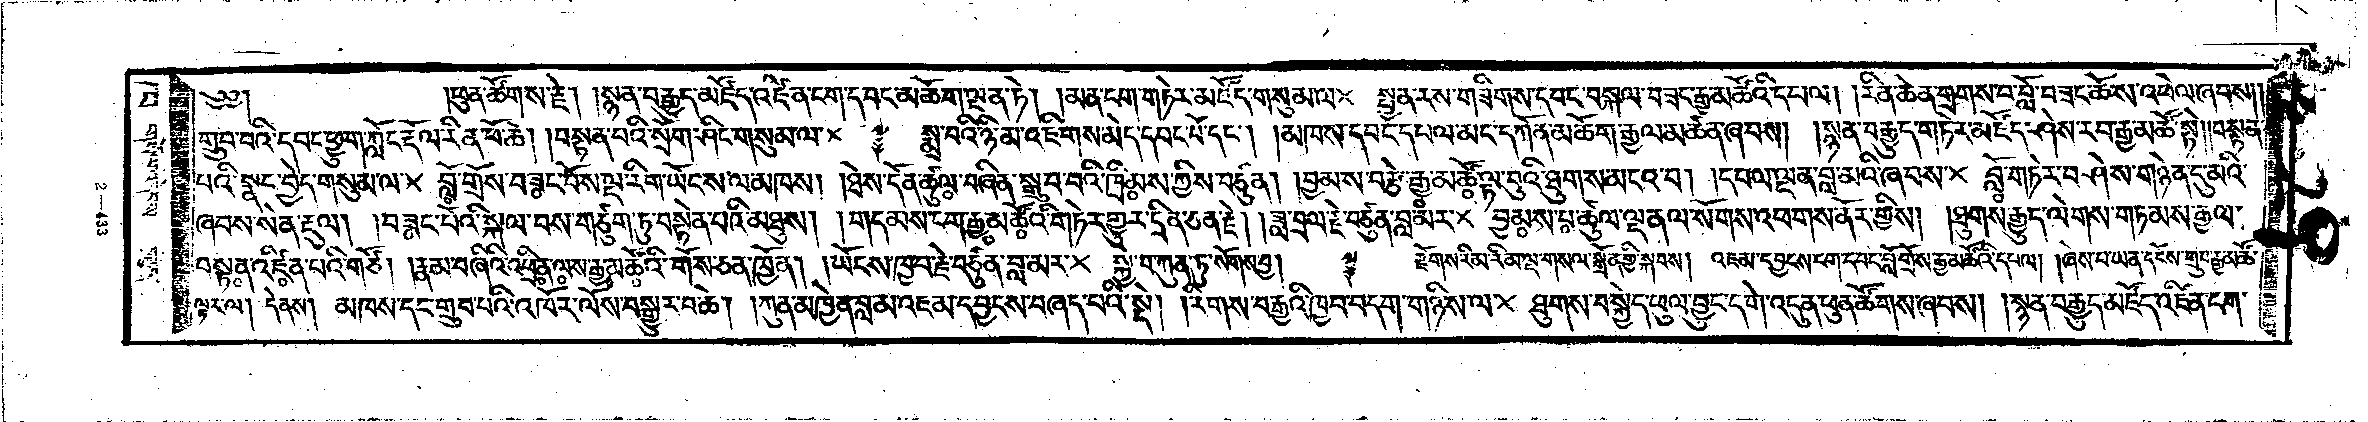༄༅། །ཕུན་ཚོགས་རྗེ། །སྙན་བརྒྱུད་མཛོད་འཛིན་ངག་དབང་མཆོག་ལྡན་ཏེ། །མན་ངག་གཏེར་མཛོད་གསུམ་ལ་྾་སྤྱན་རས་གཟིགས་དབང་བསྐལ་བཟང་རྒྱ་མཚོའི་དཔལ། །རིན་ཆེན་གྲགས་བ་བློ་བཟང་ཆོས་འཕེལ་ཞབས།
གྲུབ་པའི་དབང་ཕྱུག་ཀློང་རྡོལ་རིན་པོ་ཆེ། །བསྟན་པའི་སྲོག་ཤིང་གསུམ་ལ་྾་༈ སྨྲ་བའི་ཉི་མ་འཇིགས་མེད་དབང་པོ་དང་། །མཁས་དབང་དཔལ་མང་དཀོན་མཆོག་རྒྱལ་མཚན་ཞབས། །སྙན་བརྒྱུད་གཏེར་མཛོད་ཤེས་རབ་རྒྱ་མཚོ་སྟེ། །བསྟན་
པའི་སྣང་བྱེད་གསུམ་ལ་྾་བློ་གྲོས་བཟང་བོས་ལྔ་རིག་ཡོང་ས་ལ་མཁས། །ཐེས་དོན་ཚུལ་བཞིན་སྒྲུབ་བའི་ཁྲིམས་ཀྱིས་བཙུན། །བྱམས་བརྩེ་རྒྱ་མཚོ་ལྟ་བུའི་ཐུགས་མངའ་བ། །དཔལ་ལྡན་བླ་མའི་ཞབས་྾་བློ་གཏེར་བཤེས་གཉེན་དུ་མའི་
ཞབས་སེན་རྡུལ། །བཟང་པོའི་སྐལ་བས་གཙུག་ཏུ་བསྟེན་པའི་མཐུས། །གདམས་ངག་རྒྱ་མཚོའི་གཏེར་གྱུར་དྲིན་ཅན་རྗེ། །ཟླ་བྲལ་རྗེ་བཙུན་བླ་མར་྾་བྱམས྾་པ་ཚུལ་ལྡན་ལ་སོགས་འཕགས་ནོར་གྱིས། །ཐུགས་རྒྱུད་ལེགས་གཏམས་རྒྱལ་
བསྟན྾་འཛིན྾་པའི་གཙོ། །རྣམ་བཞིའི་འཕྲིན྾་ལས྾་རྒྱ྾་མཚོའི྾་གོས་ཅན་ཁྱོན། །ཡོངས་ཁྱབ་རྗེ་བཙུན་བླ་མར་྾་སྐྱེ་བ་ཀུན་ཏུ་སོགས་བྱ། ༈ རྫོགས་རིམ་རིམ་ལྔ་གསལ་སྒྲོན་གྱི་སྐབས། འཇམ་དབྱངས་ངང་དབང་བློ་གྲོས་རྒྱ་མཚོའི་དཔལ། །ཞེས་པ་ཡན་དངོས་གྲུབ་རྒྱ་མཚོ་
ལྟར་ལ། དེ་ནས། མཁས་དང་གྲུབ་པའི་འཁོར་ལོས་བསྒྱུར་བ་ཆེ། །ཀུན་མཁྱེན་བླ་མ་འཇམ་དབྱངས་བཞད་པའི་སྡེ། །རིགས་བརྒྱའི་ཁྱབ་བདག་གཉིས་ལ་྾་ཐུགས་བསྐྱེད་ཕུལ་བྱུང་དགེ་འདུན་ཕུན་ཚོགས་ཞབས། །སྙན་བརྒྱུད་མཛོད་འཛིན་ངག་